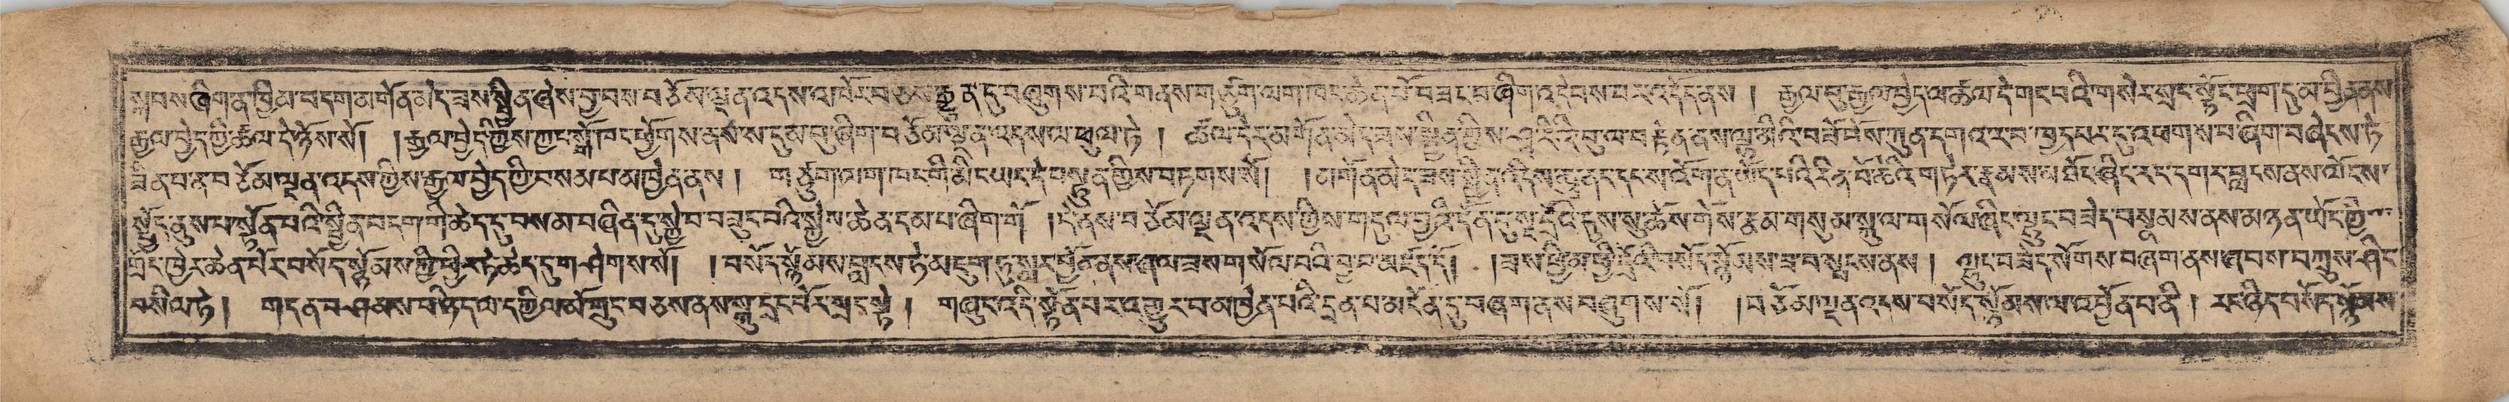སྐབས་ཞིག་ན་ཁྱིམ་བདག་མགོན་མེད་ཟས་སྦྱིན་ཞེས་བྱ་བས་བཅོམ་ལྡན་འདས་འཁོར་བཅས་རྒྱུན་དུ་བཞུགས་པའི་གནས་གཙུག་ལག་ཁང་ཆེན་པོ་བཟང་བ་ཞིག་འདེབས་པར་འདོད་ནས། རྒྱལ་བུ་རྒྱལ་བྱེད་ལ་ཚལ་དེ་གང་བའི་གསེར་སྲང་སྟོང་ཕྲག་དུ་མ་བྱིན་ནས་
རྒྱལ་བྱེད་ཀྱི་ཚལ་དེ་ཉོས་སོ། །རྒྱལ་བྱེད་ཀྱིས་ཀྱང་སྒོ་ཁང་ཕྱོགས་ནས་ས་དུམ་བུ་ཞིག་བཅོམ་ལྡན་འདས་ལ་ཕུལ་ཏེ། ཚལ་དེར་མགོན་མེད་ཟས་སྦྱིན་གྱིས་ཤཱ་རིའི་བུ་ལ་བརྟེན་ནས་ལྷ་མིའི་བཟོ་འོས་ཀུན་དགའ་ར་བ་ཁྱད་པར་དུ་འཕགས་པ་ཞིག་བཞེངས་ཏེ་
ཟིན་པ་ན་བཅོམ་ལྡན་འདས་ཀྱིས་རྒྱལ་བྱེད་ཀྱི་བསམ་པ་མཁྱེན་ནས། གཙུག་ལག་ཁང་གི་མིང་ཡང་དེ་བསྟུན་གྱིས་བཏགས་སོ། །མགོན་མེད་ཟས་སྦྱིན་འདིས་ཆུ་ནང་དང་ས་འོག་ན་ཡོད་པའི་རིན་པོ་ཆེའི་གཏེར་རྣམས་མཐོང་ཞིང་རང་དགར་བླངས་ནས་ལོངས་
སྤྱོད་ནུས་པ་སྟོན་པའི་སྦྱིན་བདག་གི་ཆེད་དུ་བསམ་པ་བཞིན་དུ་སྐྱེ་བ་བཟུང་བའི་སྐྱེས་ཆེན་དམ་པ་ཞིག་གོ །དེ་ནས་བཅོམ་ལྡན་འདས་ཀྱིས་གདུལ་བྱའི་དོན་དུ་སྔ་དྲོའི་དུས་སུ་ཆོས་གོས་རྣམ་གསུམ་སྐུ་ལ་གསོལ་ཞིང་ལྷུང་བཟེད་བསྣམས་ནས་མཉན་ཡོད་ཀྱི་
གྲོང་ཁྱེར་ཆེན་པོར་བསོད་སྙོམས་ཀྱི་ཕྱིར་ཏེ་ཆེད་དུ་གཤེགས་སོ། །བསོད་སྙོམས་བླངས་ཏེ་མཇུག་ཏུ་སླར་བྱོན་ནས་ཞལ་ཟས་གསོལ་བའི་བྱ་བ་མཛད་དོ། །ཟས་ཕྱི་མ་ཕྱི་དྲོའི་བསོད་སྙོམས་ཟ་བ་སྤངས་ནས། ལྷུང་བཟེད་སོགས་བཞག་ནས་ཞབས་བཀྲུས་ཤིང་
བསིལ་ཏེ། གདན་བཤམས་པ་ཉིད་ལ་དཀྱིལ་མོ་ཀྲུང་བཅས་ནས་སྐུ་དྲང་པོར་སྲང་སྟེ། གཞུང་འདི་སྟོན་པར་འགྱུར་བ་མཁྱེན་པའི་དྲན་པ་མངོན་དུ་བཞག་ནས་བཞུགས་སོ། །བཅོམ་ལྡན་འདས་བསོད་སྙོམས་ལ་འབྱོན་པ་ནི། རང་ཉིད་བསོད་སྙོམས་